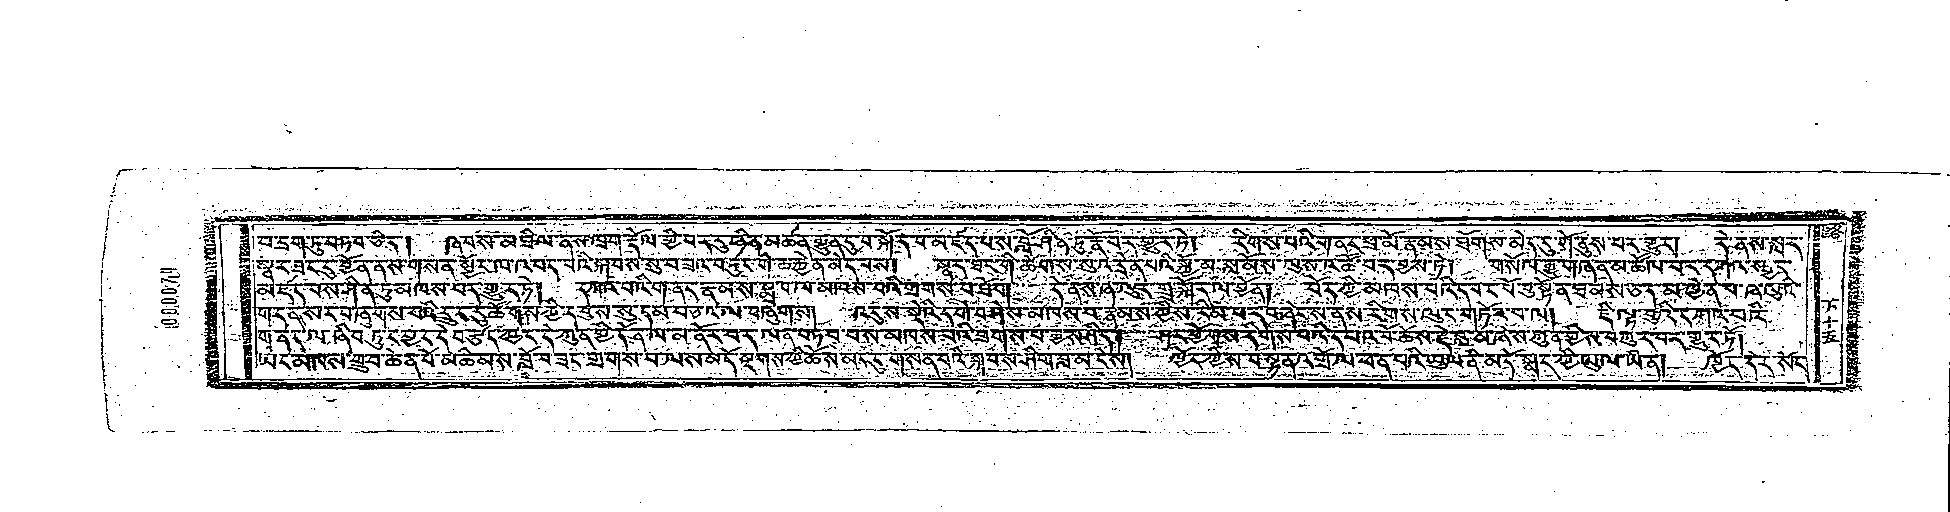པ་དྲག་ཏུ་བཏབ་ཅིང་། ཞབས་མཐིལ་ནས་ཁྲག་རྡོལ་གྱི་བར་དུ་ཉིན་མཚན་རྒྱུན་དུ་བསྐོར་བ་མཛད་པས་བློ་ཤིན་ཏུ་རྣོ་བར་གྱུར་ཏེ། རིགས་པའི་གནང་ཕྲ་མོ་རྣམས་ཐོགས་མེད་དུ་གོ་ནུས་པར་གྱུར། དེ་ནས་སླར་
སྣར་ཐང་དུ་བྱོན་ནས་གསན་མྱོང་ལ་འབད་པའི་སྐབས་སུ་བཟའ་བཏུང་གི་ཆ་རྐྱེན་མེད་པས། སྣར་ཐང་གི་ཚོགས་སུ་འདྲེན་པའི་སྐྱོ་མ་སླ་མོས་ལུས་འཚོ་བར་བྱ་སྟེ། གསོལ་རྒྱུ་གཞན་མ་ཆོས་བར་དཀའ་སྤྱད་
མཛད་པས་ཤིན་ཏུ་མཁས་བར་གྱུར་ཏེ། དཀའ་བའི་གནད་རྣམས་སྨྲ་བ་ལ་མཁས་བའི་གྲགས་པ་ཐོབ། དེ་ནས་ཞ་ལུང་གྲྭ་སྐོར་ལ་བྱོན། བོད་ཀྱི་མཁས་པའི་དབང་པོ་བུ་ཚོན་ཐམས་ཅད་མ་ཁྱེན་པ་ཞ་ལུའི་
གདན་སར་བ་ཞུགས་པའི་དྲུང་དུ་ཚོགས་ཀྱི་དབུས་སུ་དམ་བཅའ་ལ་བཞུགས། འདུས་སྡེའི་དགེ་བཤེས་མཁས་བ་རྣམས་ཀྱིས་རིམ་པར་བཞེངས་ནས་རིགས་ལུང་གཏོང་བ་ལ། ཇི་ལྟ་བུའི་དཀའ་བའི་
གནད་ལ་ཞིབ་ཏུ་དབྱང་དེ་བརྩད་ཀྱང་དེ་ཀུན་གྱི་དོན་ལ་མ་ནོར་བར་ལན་བཏབ་པས་མཁས་པའི་གྲགས་པ་རྒྱས་ཤིང་། ཤར་ཕྱོགས་རིགས་པའི་དཔའ་བོ་ཆོས་རྗེ་བླ་མ་ཞེས་ཀུན་གྱིས་བཀུར་བར་གྱུར་ཏོ།
ཡང་མཁས་གྲུབ་ཆེན་པོ་མཆི་མས་བློ་བཟང་གྲགས་པ་ལས་མདོ་སྔགས་ཀྱི་ཆོས་མང་དུ་གསན་བའི་སྐབས་ཤིག་བླ་མ་ངེས། ཁྱོད་ཀྱིས་བསྟན་འགྲོ་ལ་ཕན་པའི་ཡུལ་ནི་མདོ་སྨད་ཀྱི་ཡུལ་ཡིན། ཁྱོད་དེར་སོང་